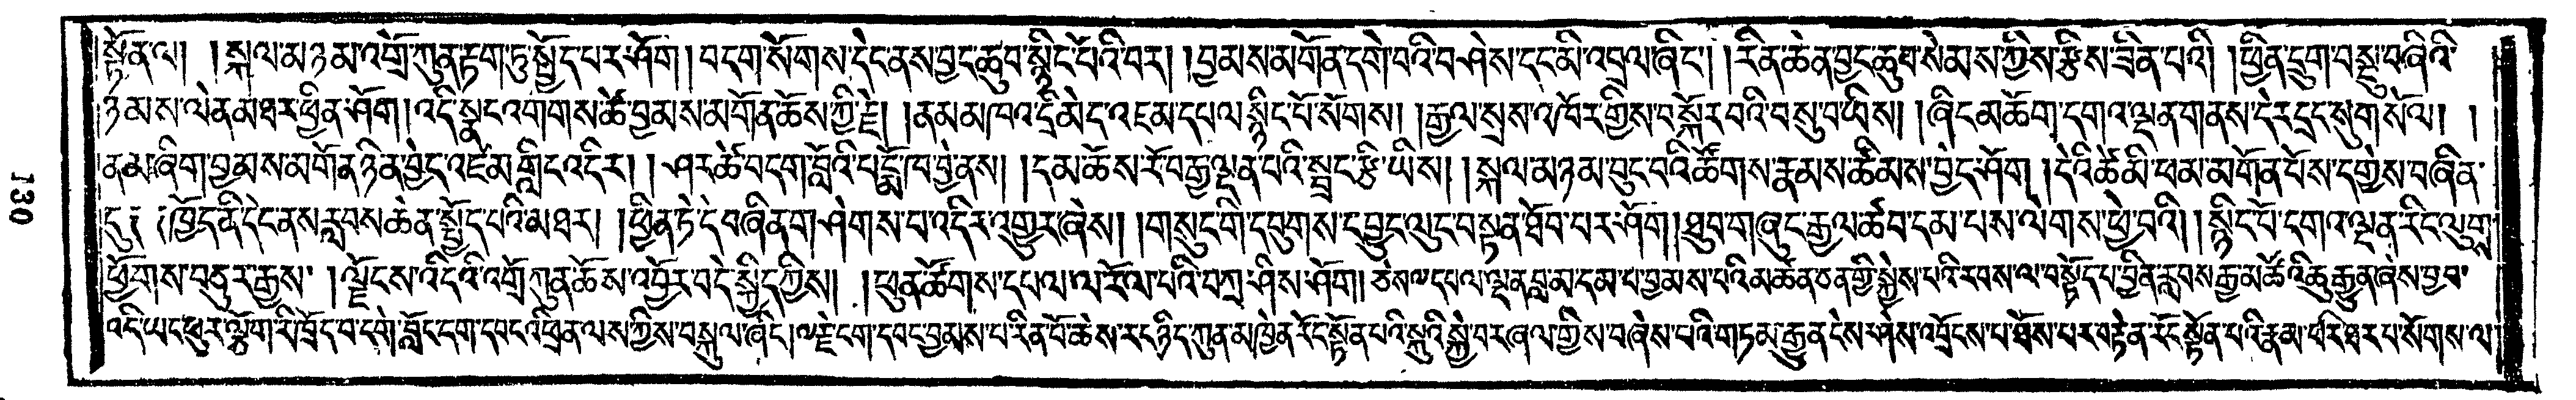སྟོན་ལ། །སྐལ་མཉམ་འགྲོ་ཀུན་རྟག་ཏུ་སྤྱོད་པར་ཤོག་བདག་སོགས་དེང་ནས་བྱང་ཆུབ་སྙིང་པོའི་བར། །བྱམས་མགོན་དགེ་བའི་བཤེས་དང་མི་འབྲལ་ཞིང་། །རིན་ཆེན་བྱང་ཆུབ་སེམས་ཀྱིས་རྩིས་ཟིན་པའི། །ཕྱིན་དྲུག་བསྡུ་བཞིའི་
ཉམས་ལེན་མཐར་ཕྱིན་ཤོག །འདི་སྣང་འགགས་ཚེ་བྱམས་མགོན་ཆོས་ཀྱི་རྗེ། །ནམ་མཁའ་དྲི་མེད་འཇམ་དཔལ་སྙིང་པོ་སོགས། །རྒྱལ་སྲས་འཁོར་གྱིས་བསྐོར་བའི་བསུ་བ་ཡིས། །ཞིང་མཆོག་དགའ་ལྡན་གནས་དེར་དྲང་སུ་གསོལ།།
ནམ་ཞིག་བྱམས་མགོན་ཉིན་བྱེད་འཛམ་གླིང་འདིར། །ཤར་ཚེ་བདག་བློའི་པདམོ་ཁ་བྱེ་ནས། །དམ་ཆོས་རོ་བརྒྱ་ལྡན་པའི་སྦྲང་རྩི་ཡིས། །སྐལ་མཉམ་བུང་བའི་ཚོགས་རྣམས་ཚིམས་བྱེད་ཤོག །དེའི་ཚེ་མི་ཕམ་མགོན་པོས་དགྱེས་བཞིན་
དུ༑ ༑ཁྱོད་ནི་དེང་ནས་རླབས་ཆེན་སྤྱོད་པའི་མཐར། །ཕྱིན་ཏེ་དེ་བཞིན་གཤེགས་པ་འདིར་འགྱུར་ཞེས། །གསུང་གི་དབུགས་དབྱུང་ལུང་བསྟན་ཐོབ་པར་ཤོག །ཐུབ་གཞུང་རྒྱལ་ཚབ་དམ་པས་ལེགས་ཕྱེ་བའི། །སྙིང་པོ་དགའ་ལྡན་རིང་ལུགས་
ཕྱོགས་བཅུར་རྒྱས་།ལྗོངས་འདིའི་འགྲོ་ཀུན་ཆོས་འབྱོར་བདེ་སྐྱིད་ཀྱིས། །ཕུན་ཚོགས་དཔལ་ལ་རོལ་པའི་བཀྲ་ཤིས་ཤོག །ཅེས་༧་དཔལ་ལྡན་བླ་མ་དམ་པ་བྱམས་པའི་མཚན་ཅན་གྱི་སྐྱེས་པའི་རབས་ལ་བསྟོད་པ་བྱིན་རླབས་རྒྱ་མཚོའི་ཆུ་རྒྱུན་ཞེས་བྱ་བ་
འདི་ཡང་ཕུར་ལྕོག་རི་ཁྲོད་བ་དགེ་བློང་དག་དབང་འཕྲིན་ལས་ཀྱིས་བསྐུལ་ཞིང་། ༧་རྗེ་ངག་དབང་བྱམས་པ་རིན་པོ་ཆེས་རང་ཉིད་ཀུན་མཁྱེན་རོང་སྟོན་པའི་སྐུའི་སྐྱེ་བར་ཞལ་གྱིས་བཞེས་པའི་གཏམ་རྒྱུན་ངེས་ཤེས་འབྲོངས་པ་ཐོས་པར་བརྟེན་རོང་སྟོན་པའི་རྣམ་པར་ཐར་པ་སོགས་ལ་